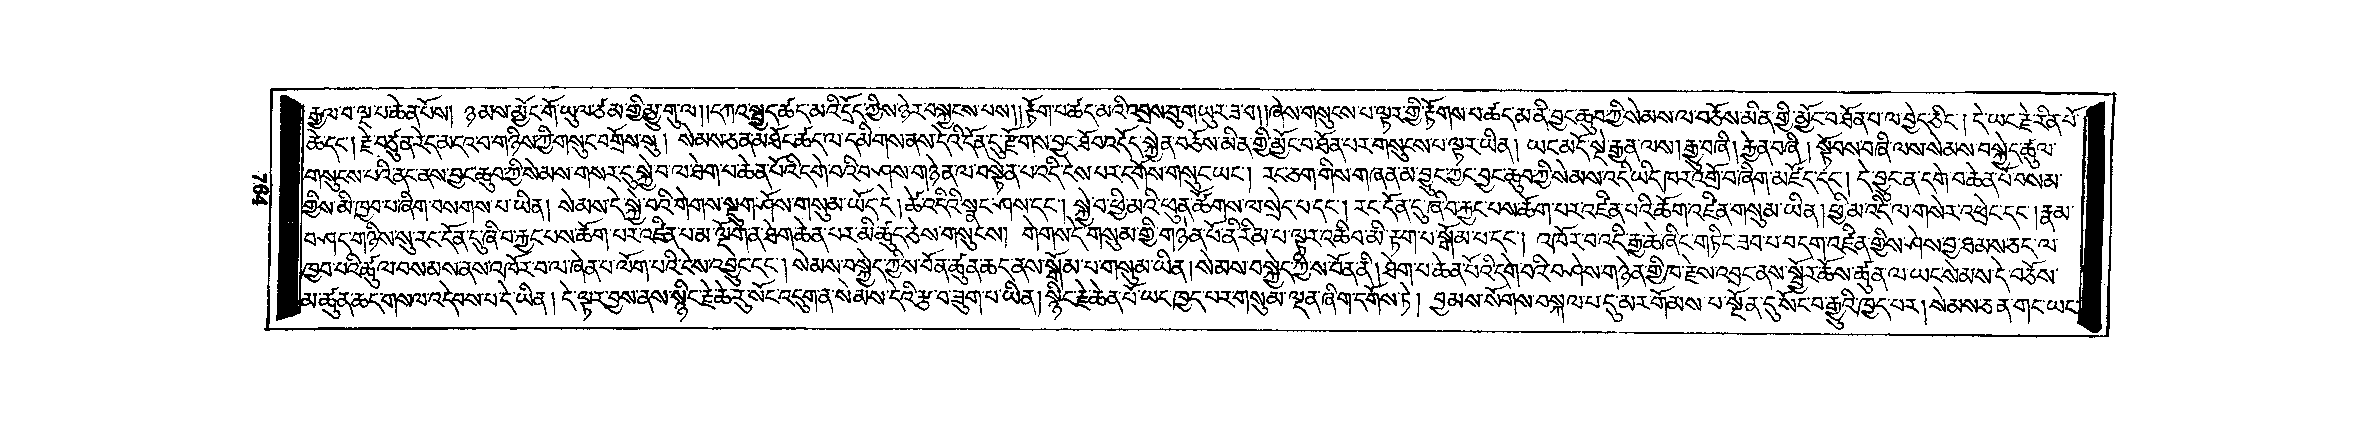རྒྱལ་བ་ལྔ་པ་ཆེན་པོས། ཉམས་མྱོང་གོ་ཡུལ་ཙམ་གྱི་མྱུ་གུ་ལ། །དཀའ་སྤྱད་ཚད་མའི་དྲོད་ཀྱིས་ཉེར་བསྐྱངས་པས། །རྟོག་པ་ཚད་མའི་འབྲས་བུ་གཡུར་ཟ་བ། །ཞེས་གསུངས་པ་ལྟར་གྱི་རྟོགས་པ་ཚད་མ་ནི་བྱང་ཆུབ་ཀྱི་སེམས་ལ་བཅོས་མིན་གྱི་མྱོང་བ་ཐོན་པ་ལ་བྱེད་ཅིང་། དེ་ཡང་རྗེ་རིན་པོ་
ཆེ་དང་། རྗེ་བཙུན་རེད་མདའ་བ་གཉིས་ཀྱི་གསུང་བགྲོས་སུ། སེམས་ཅན་མཐོང་ཚད་ལ་དམིགས་ནས་དེའི་དོན་དུ་རྫོགས་བྱང་ཐོབ་འདོད་སྐྱེན་བཅོས་མིན་གྱི་མྱོང་བ་ཐོན་པར་གསུངས་པ་ལྟར་ཡིན། ཡང་མདོ་སྡེ་རྒྱན་ལས། རྒྱུ་བཞི། རྐྱེན་བཞི། སྟོབས་བཞི་ལས་སེམས་བསྐྱེད་ཚུལ་
གསུངས་པའི་ནང་ནས་བྱང་ཆུབ་ཀྱི་སེམས་གསར་དུ་སྐྱེ་བ་ལ་ཐེག་པ་ཆེན་པོའི་དགེ་བའི་བཤེས་གཉེན་ལ་བསྟེན་པ་འདི་ངེས་པར་དགོས་གསུང་ཡང་། རང་ཅག་གིས་གཞན་མ་བྱུང་ཀྱང་བྱང་ཆུབ་ཀྱི་སེམས་འདི་ཡིད་ཁར་འགྲོ་བ་ཞིག་མཛོད་དང་། དེ་བྱུང་ན་དགེ་བ་ཆེན་པོ་བསམ་
གྱིས་མི་ཁྱབ་པ་ཞིག་བསགས་པ་ཡིན། སེམས་དེ་སྐྱེ་བའི་གེགས་སྡུག་ཤོས་གསུམ་ཡོད་དེ། ཚེ་འདིའི་སྣང་ཤས་དང་། སྐྱེ་བ་ཕྱི་མའི་ཕུན་ཚོགས་ལ་སྲེད་པ་དང་། རང་དོན་དུ་ཞི་བ་རྐྱང་པས་ཆོག་པར་འཛིན་པའི་ཆོག་འཛིན་གསུམ་ཡིན། ཕྱི་མ་འདི་ལ་གསེར་འཕྲེང་དང་། རྣམ་
བཤད་གཉིས་སུ་རང་དོན་དུ་ཞི་བ་རྐྱང་པས་ཆོག་པར་འཛིན་པ་མ་ལྡོག་ན་ཐེག་ཆེན་པར་མི་ཚུད་ཅེས་གསུངས། གེགས་དེ་གསུམ་གྱི་གཉེན་པོ་ནི་རིམ་པ་ལྟར་འཆི་བ་མི་རྟག་པ་སྒོམ་པ་དང་། འཁོར་བ་འདི་རྒྱ་ཆེ་ཞིང་གཏིང་ཟབ་པ་བདག་འཛིན་གྱིས་ཤེས་བྱ་ཐམས་ཅད་ལ་
ཁྱབ་པའི་ཚུལ་བསམས་ནས་འཁོར་བ་ལ་ཞེན་པ་ལོག་པའི་ངེས་འབྱུང་དང་། སེམས་བསྐྱེད་ཀྱི་ས་བོན་ཚུན་ཆད་ནས་སྒོམ་པ་གསུམ་ཡིན། སེམས་བསྐྱེད་ཀྱི་ས་བོན་ནི། ཐེག་པ་ཆེན་པོའི་དགེ་བའི་བཤེས་གཉེན་གྱི་ཁ་རྗེས་འབྲང་ནས་སྦྱོར་ཆོས་ཚུན་ལ་ཡང་སེམས་དེ་བཅོས་
མ་ཚུན་ཆད་གསལ་འདེབས་པ་དེ་ཡིན། དེ་ལྟར་བྱས་ནས་སྙིང་རྗེ་ཆེ་རུ་སོང་འདུག་ན་སེམས་དེའི་རྩ་བ་ཟུག་པ་ཡིན། སྙིང་རྗེ་ཆེན་པོ་ཡང་ཁྱད་པར་གསུམ་ལྡན་ཞིག་དགོས་ཏེ། བྱམས་སོགས་བསྐལ་པ་དུ་མར་གོམས་པ་སྔོན་དུ་སོང་བ་རྒྱུའི་ཁྱད་པར། སེམས་ཅན་གང་ཡང་